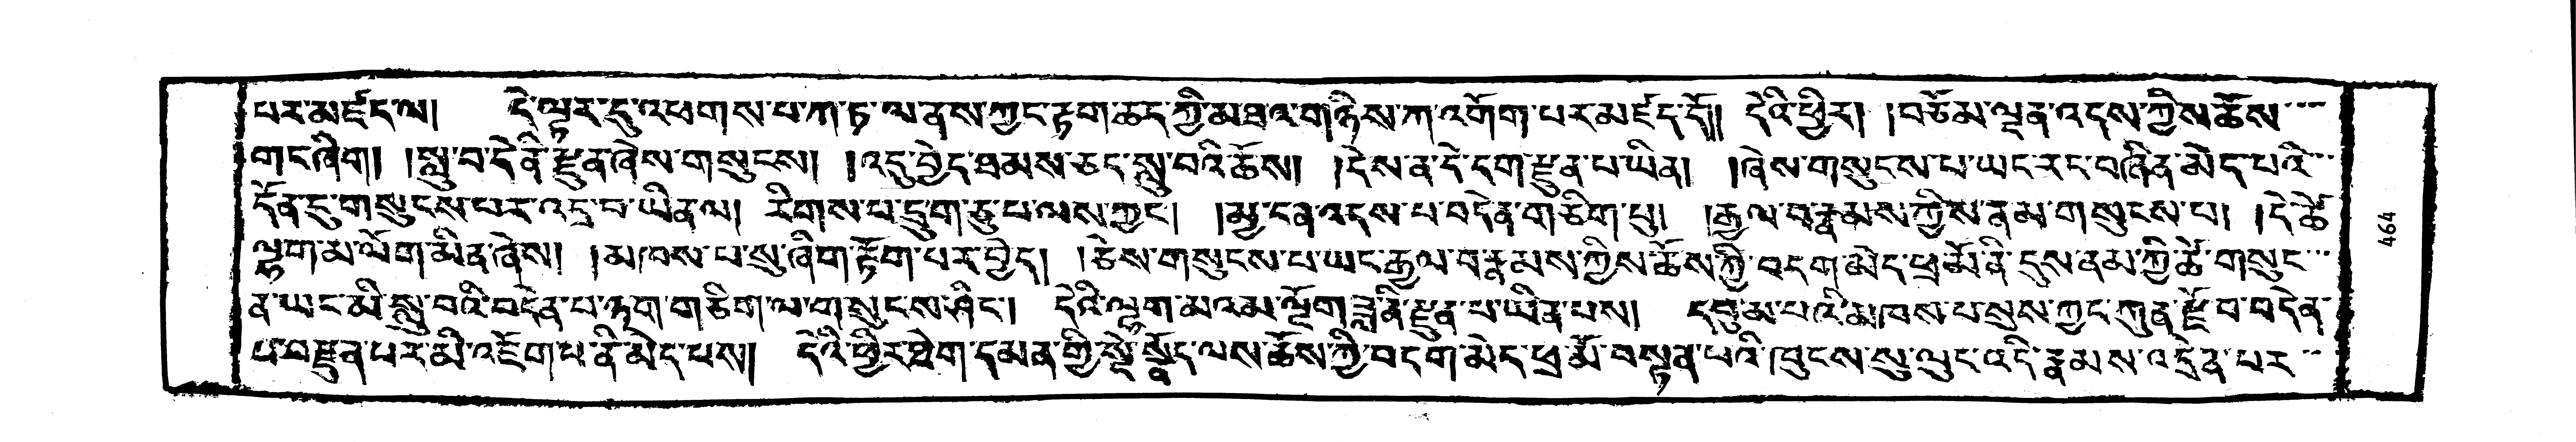པར་མཛད་ལ། དེ་ལྟར་དུ་འཕགས་པ་ཀ་ཏ་ལ་ནས་ཀྱང་རྟག་ཆད་ཀྱི་མཐའ་གཉིས་ཀ་འགོག་པར་མཛད་དོ། །དེའི་ཕྱིར། །བཅོམ་ལྡན་འདས་ཀྱིས་ཆོས་
གང་ཞིག། །སླུ་བ་དེ་ནི་རྫུན་ཞེས་གསུངས། །འདུ་བྱེད་ཐམས་ཅད་སླུ་བའི་ཆོས། །དེ་ན་དེ་དག་རྫུན་པ་ཡིན། །ཞེས་གསུངས་པ་ཡང་རང་བཞིན་མེད་པའི་
དོན་དུ་གསུངས་པར་འདྲ་བ་ཡིན་ལ། རིགས་པ་དྲུག་ཅུ་པ་ལས་ཀྱང་། །མྱ་ངན་འདས་པ་བདེན་གཅིག་པུ། །རྒྱལ་བ་རྣམས་ཀྱིས་ནམ་གསུངས་པ། །དེ་ཚེ་
ལྷག་མ་ལོག་མིན་ཞེས། །མཁས་པ་སུ་ཞིག་རྟོག་པར་བྱེད། །ཅེས་གསུངས་པ་ཡང་རྒྱལ་བ་རྣམས་ཀྱིས་ཆོས་ཀྱི་བདག་མེད་ཕྲ་མོ་ནི་དུས་ནམ་ཀྱི་ཚེ་གསུང་
ན་ཡང་མི་སླུ་བའི་བདེན་པ་ཉག་གཅིག་ལ་གསུངས་ཤིང་། དེའི་ལྷག་མའམ་ལྡོག་ཟླ་ནི་རྫུན་པ་ཡིན་པས། དབུ་མ་པའི་མཁས་པ་སུས་ཀྱང་ཀུན་རྫོབ་བདེན་
པ་བརྫུན་པར་མི་འཇོག་པ་ནི་མེད་པས། དེའི་ཕྱིར་ཐེག་དམན་གྱི་སྡེ་སྣོད་ལས་ཆོས་ཀྱི་བདག་མེད་ཕྲ་མོ་བསྟན་པའི་ཁུངས་སུ་ལུང་འདི་རྣམས་འདྲེན་པར་